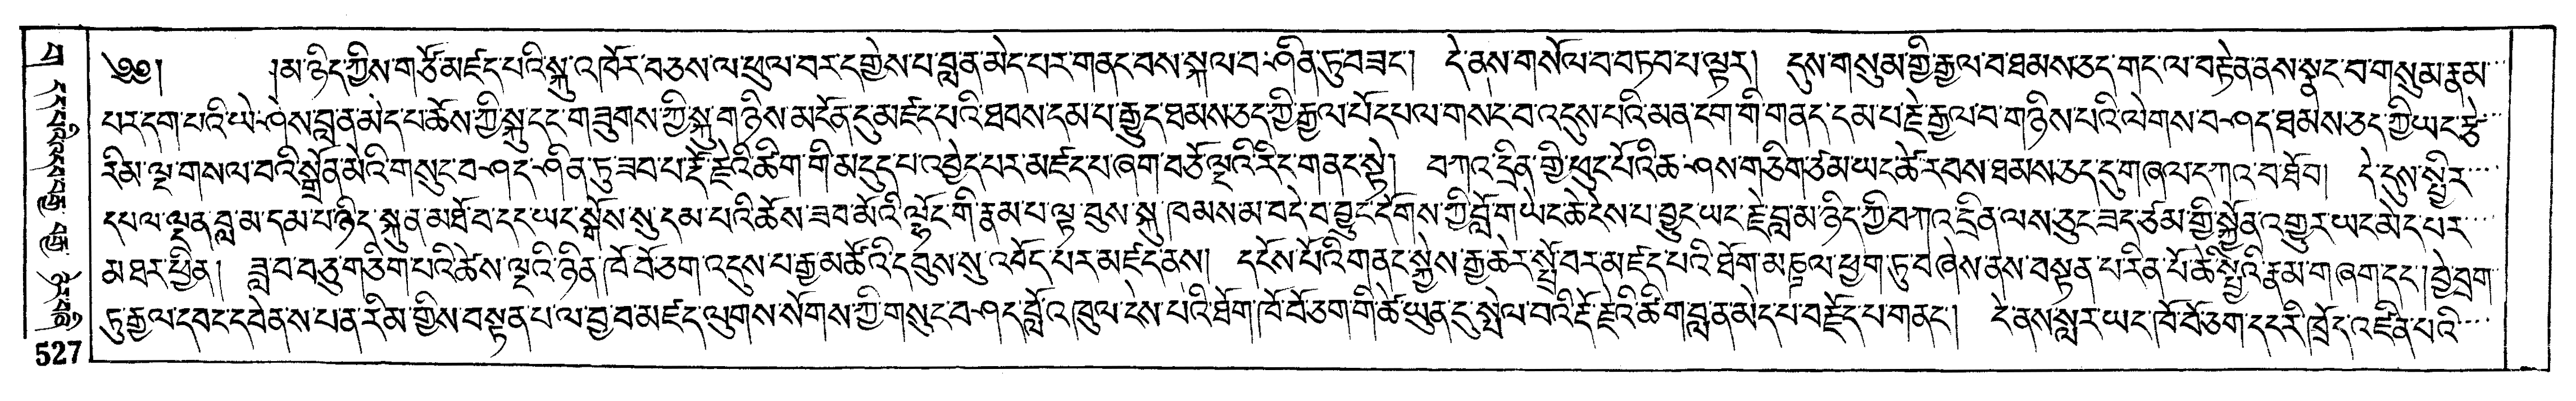༄༅། །མ་ཉིད་ཀྱིས་གཙོ་མཛད་པའི་སྐུ་འཁོར་བཅས་ལ་ཕུལ་བར་དགྱེས་པ་བླ་ན་མེད་པར་གནང་བས་སྐལ་བ་ཤིན་ཏུ་བཟང་། དེ་ནས་གསོལ་བ་བཏབ་པ་ལྟར། དུས་གསུམ་གྱི་རྒྱལ་བ་ཐམས་ཅད་གང་ལ་བརྟེན་ནས་སྣང་བ་གསུམ་རྣམ་
པར་དག་བའི་ཡེ་ཤེས་བླ་ན་མེད་པ་ཆོས་ཀྱི་སྐུ་དང་གཟུགས་ཀྱི་སྐུ་གཉིས་མངོན་དུ་མཛད་པའི་ཐབས་དམ་པ་རྒྱུད་ཐམས་ཅད་ཀྱི་རྒྱལ་པོ་དཔལ་གསང་བ་འདུས་པའི་མན་ངག་གི་གནད་དམ་པ་རྗེ་རྒྱལ་བ་གཉིས་པའི་ལེགས་བཤད་ཐམས་ཅད་ཀྱི་ཡང་རྩེ་
རིམ་ལྔ་གསལ་བའི་སྒྲོན་མེའི་གསུང་བཤད་ཤིན་ཏུ་ཟབ་པ་རྡོ་རྗེའི་ཚིག་གི་མདུད་པ་འབྱེད་པར་མཛད་པ་ཞག་བཅོ་ལྔའི་རིང་གནང་སྟེ། བཀའ་དྲིན་གྱི་ཕུང་པོའི་ཆ་ཤས་གཅིག་ཙམ་ཡང་ཚེ་རབས་ཐམས་ཅད་དུ་གཞལ་དཀའ་བ་ཐོབ། དེ་དུས་སྤྱིར་
དཔལ་ལྡན་བླ་མ་དམ་པ་ཉིད་སྐུ་ན་མཐོ་བ་དང་ཡང་སྒོས་སུ་དམ་པའི་ཆོས་ཟབ་མོའི་ལྷོང་གི་རྣམ་པ་ལྟ་བུས་སྐུ་ཁམས་མ་བདེ་བ་བྱུང་དོགས་ཀྱི་བློ་གཡེང་ཆེ་ངེས་པ་བྱུང་ཡང་རྗེ་བླ་མ་ཉིད་ཀྱི་བཀའ་དྲིན་ལས་ཅུང་ཟད་ཙམ་གྱི་སྐྱོན་འགྱུར་ཡང་མེད་པར་
མཐར་ཕྱིན། ཟླ་བ་བཅུ་གཅིག་པའི་ཚེས་ལྔའི་ཉིན་ཁོ་བོ་ཅག་འདུས་པ་རྒྱ་མཚོའི་དབུས་སུ་འབོད་པར་མཛད་ནས། དངོས་པོའི་གནང་སྐྱེས་རྒྱ་ཆེར་སྤྲོ་བར་མཛད་པའི་ཐོག་མཎྜལ་ཕྱག་ཏུ་བཞེས་ནས་བསྟན་པ་རིན་པོ་ཆེ་སྤྱིའི་རྣམ་གཞག་དང་། བྱེ་བྲག་
ཏུ་རྒྱལ་དབང་དབེན་ས་པན་རིམ་གྱིས་བསྟན་པ་ལ་བྱ་བ་མཛད་ལུགས་སོགས་ཀྱི་གསུང་བཤད་བློ་འཁུལ་དེས་པའི་ཐོག་ཁོ་བོ་ཅག་གི་ཚེ་ཡུན་དུ་སྤེལ་བའི་རྡོ་རྗེའི་ཚིག་བླ་ན་མེད་པ་བརྗོད་པ་གནང་། དེ་ནས་སླར་ཡང་ཁོ་བོ་ཅག་དང་རི་ཁྲོད་འཛིན་པའི་